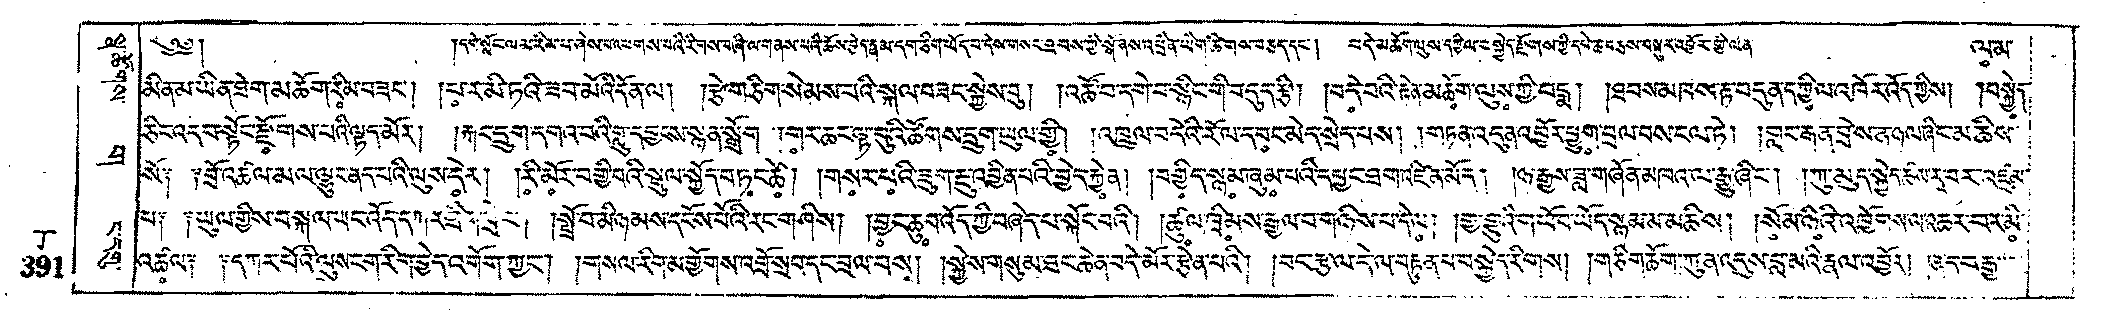༄༅། །དགེ་སློང་ལམ་རིམ་པ་ཞེས་པ་འཕགས་པའི་རིགས་བཞི་ལ་གནས་པའི་ཆོས་བྱེད་རྣམ་དག་ཅིག་ཡོད་པ་དེས་གསང་ཐབས་ཀྱི་སྒོ་ནས་འཕྲིན་ཡིག་ཚིགས་བཅད་དང་། བདེ་མཆོག་ལུས་དཀྱིལ་བསྐྱེད་རྫོགས་ཀྱི་དཔེ་ཆ་བཅས་བསྐུར་འབྱོར་གྱི་ལན་ལམ྾་
མིན་མ་ཡིན་ཐེག་མཆོག་རིམ྾་བཟང་། །པ྾་ར་མི་ཏའི་ཟབ་མོའི་དོན་ལ། །རྩེ་གཅིག་སེམས་པའི་སྐལ་བཟང་སྐྱེས་བུ། །འཚོ་བ་དགེ་བ་སྙིང་གི་བདུད་རྩི། །བདེ྾་བའི་རྟེན་མཆོག྾་ལུས྾་ཀྱི་པདམ། །ཐབས་མཁས་རྟ་བདུན་དཀྱིལ྾་འཁོར་འོད་ཀྱིས། །བསྐྱེད྾་
ཅིང་འདབ་སྟོང་རྫོགས྾་པའི་ལྟད་མོར། །རྐང་དྲུག་དགའ་བའི་གླུ་དབྱངས་སྙན་སྒྲོག །གར྾་ཆང་ལྟ་བུའི་ཚོགས་དྲུག་ཡུལ་གྱི྾། །འཁྲུལ་བདེའི་རོ་ལ་དབང྾་མེད་སྲེད་པས། །གཏན་འདུན་འབྱོར་ཕྱུག྾་བྲལ་བས་ངལ་ཏེ། །གླང་རྒན་བྲེས་ན་ཉལ་ཞིང་མཆིས་
སོ༑ ༑བྲོ་འཚལ་མལ་ལྷུང་ནད་པའི་ལུས་དེར྾། །རི྾་མོར྾་བགྱི་བའི་སྒུལ་སྐྱོད་བཏང྾་ཚེ྾། །གསར྾་པའི྾་ཟུག་རྔུ་འབྱིན་པའི་བྱེད་རྐྱེན྾། །བགྱིད྾་སྙམ྾་ཞུམ྾་པའི་དཔྱང་ཐག་འཛིན་མོད། །ཉ་རྒྱས་ཟླ་གཞོན་མཁའ་ལ་རྒྱུ་ཞིང་། །ཀུ་མུད་སྐྱེད་ཚལ་རྭ་བར་འཛུམ་
པ༑ ༑ཡུལ་གྱིས་བསྐལ་ཡང་འོད་དཀར་ཐིག་ཕྲེང་། །སྤྲོ་བ་མི་ཉམས་དངོས་པོའི་རང་གཤིས། །བྱང྾་ཆུབ྾་འོད་ཀྱི་བཞེད་པ་སྐོང་བའི། །ཚུལ྾་ཁྲིམས྾་རྒྱལ་བ་གཉིས་པ་དེ་ལ྾། །གྱ་གྱུའི་གཡོ་བ་ཡོད་སྙམ་མ་མཆིས། །སོམ྾་ཉིའི྾་འཁྱོགས་ལ་འཆར་བར་མི྾་
འཚལ྾༑ ༑དཀར་པོའི་ལུས་ངག་རིག་བྱེད་འགོག་ཀྱང་། །གསལ་རིག་མགྱོགས་འགྲོ་སྲབ་དང་བྲལ་བས། །སྐྱེས་གསུམ་ཐང་ཆེན་བདེ་མོར་རྩེན་པའི། །བང་རྩལ་དེ་ལ་བརྟུན་པ་བསྐྱེད་རིགས། །གཅིག་ཆོག་ཀུན་འདུས་བླ་མའི་རྣལ་འབྱོར། །ནད་བརྒྱ་་་